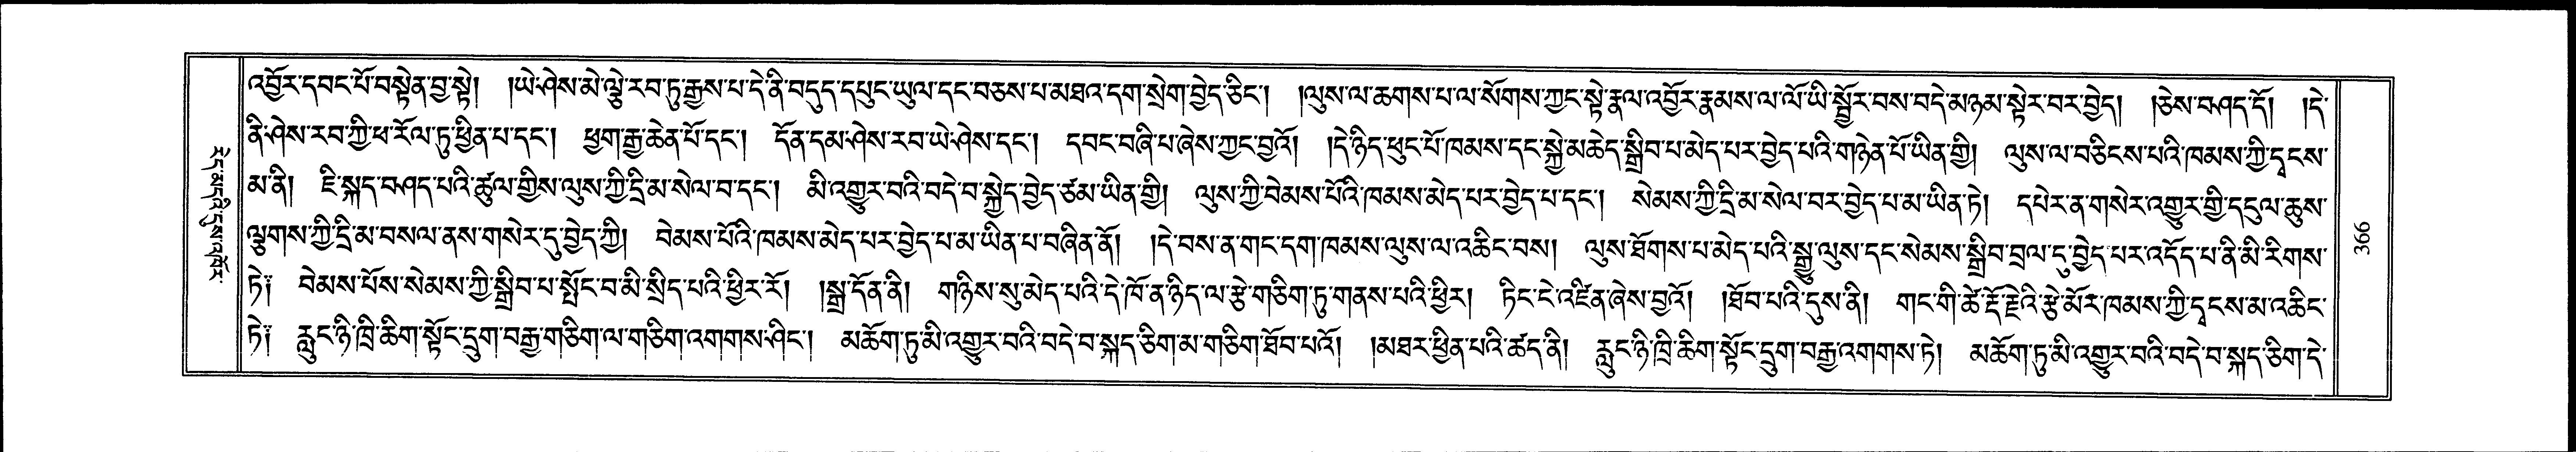འབྱོར་དབང་པོ་བསྟེན་བྱ་སྟེ། །ཡེ་ཤེས་མེ་ལྕེ་རབ་ཏུ་རྒྱས་པ་དེ་ནི་བདུད་དཔུང་ཡུལ་དང་བཅས་པ་མཐའ་དག་སྲེག་བྱེད་ཅིང་། །ལུས་ལ་ཆགས་པ་ལ་སོགས་ཀྱང་སྟེ་རྣལ་འབྱོར་རྣམས་ལ་ལོ་ཡི་སྦྱོར་བས་བདེ་མཉམ་སྟེར་བར་བྱེད། །ཅེས་བཤད་དོ། །དེ་
ནི་ཤེས་རབ་ཀྱི་ཕ་རོལ་ཏུ་ཕྱིན་པ་དང་། ཕྱག་རྒྱ་ཆེན་པོ་དང་། དོན་དམ་ཤེས་རབ་ཡེ་ཤེས་དང་། དབང་བཞི་པ་ཞེས་ཀྱང་བྱའོ། །དེ་ཉིད་ཕུང་པོ་ཁམས་དང་སྐྱེ་མཆེད་སྒྲིབ་པ་མེད་པར་བྱེ་དཔའི་གཉེན་པོ་ཡིན་གྱི། ལུས་ལ་བཅིངས་པའི་ཁམས་ཀྱི་དྭངས་
མ་ནི། ཇི་སྐད་བཤད་པའི་ཚུལ་གྱིས་ལུས་ཀྱི་དྲི་མ་སེལ་བ་དང་། མི་འགྱུར་བའི་བདེ་བ་སྐྱེད་བྱེད་ཙམ་ཡིན་གྱི། ལུས་ཀྱི་བེམས་པོའི་ཁམས་མེད་པར་བྱེད་པ་དང་། སེམས་ཀྱི་དྲི་མ་སེལ་བར་བྱེད་པ་མ་ཡིན་ཏེ། དཔེར་ན་གསེར་འགྱུར་གྱི་དངུལ་ཆུས་
ལྕགས་ཀྱི་དྲི་མ་བསལ་ནས་གསེར་དུ་བྱེད་ཀྱི། བེམས་པོའི་ཁམས་མེད་པར་བྱེད་པ་མ་ཡིན་པ་བཞིན་ནོ། །དེ་བས་ན་གང་དག་ཁམས་ལུས་ལ་འཆིང་བས། ལུས་ཐོགས་པ་མེད་པའི་སྒྱུ་ལུས་དང་སེམས་སྒྲིབ་བྲལ་དུ་བྱེད་པར་འདོད་པ་ནི་མི་རིགས་
ཏེ། བེམས་པོས་སེམས་ཀྱི་སྒྲིབ་པ་སྤོང་བ་མི་སྲིད་པའི་ཕྱིར་རོ། །སྒྲ་དོན་ནི། གཉིས་སུ་མེད་པའི་དེ་ཁོ་ན་ཉིད་ལ་རྩེ་གཅིག་ཏུ་གནས་པའི་ཕྱིར། ཏིང་ངེ་འཛིན་ཞེས་བྱའོ། །ཐོབ་པའི་དུས་ནི། གང་གི་ཚེ་རྡོ་རྗེའི་རྩེ་མོར་ཁམས་ཀྱི་དྭངས་མ་འཆིང་
ཏེ། རླུང་ཉི་ཁྲི་ཆིག་སྟོང་དྲུག་བརྒྱ་གཅིག་ལ་གཅིག་འགགས་ཤིང་། མཆོག་ཏུ་མི་འགྱུར་བའི་བདེ་བ་སྐད་ཅིག་མ་གཅིག་ཐོབ་པའོ། །མཐར་ཕྱིན་པའི་ཚད་ནི། རླུང་ཉི་ཁྲི་ཆིག་སྟོང་དྲུག་བརྒྱ་འགགས་ཏེ། མཆོག་ཏུ་མི་འགྱུར་བའི་བདེ་བ་སྐད་ཅིག་དེ་